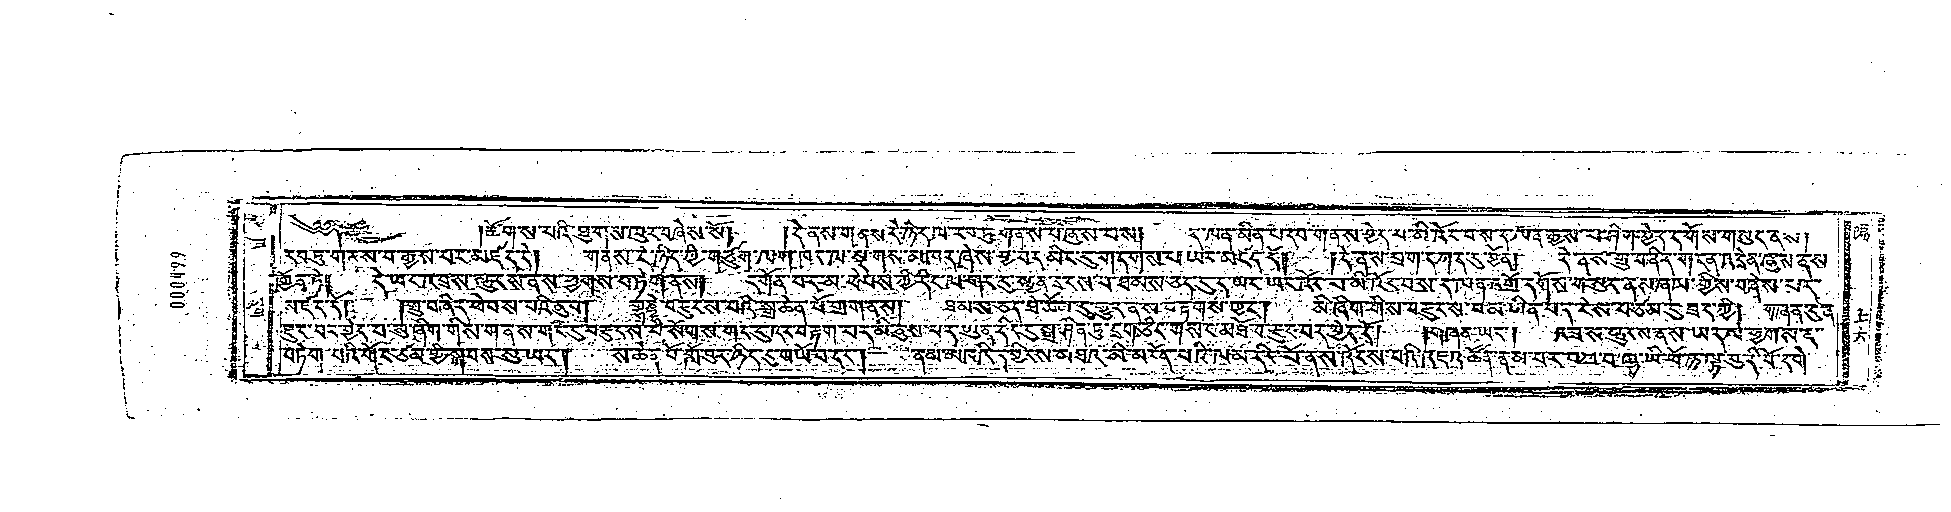༄༅། །ཚོགས་པའི་ཐུགས་ཁུར་བཞེས་སོ། །དེ་ནས་གནས་དེ་ཉིད་ལ་རབ་ཏུ་གནས་པ་ཞུས་པས། ད་ལན་མིན་པ་རབ་གནས་བྱེད་པ་མི་འོང་བས་ད་ལན་རྒྱས་པ་ཤིག་བྱེད་དགོས་གསུང་ནས། ཨ་
ཏུ་གནས་བ་རྒྱས་པར་མཛད་དེ། གནས་དེ་ཉིད་ཀྱི་གཙུག་ལག་ཁང་ལ་སྔགས་མཁར་ཞེས་བྱ་བར་མིང་དུ་གདགས་པ་ཡང་མཛད་དོ། །དེ་ནས་བྲག་དཀར་དུ་བྱོན། དེ་ནས་གྲུ་བཞིར་གདན་འདྲེན་ཞུས་ནས་
གྱོན་ཏེ། དེ་ཡང་འབྲས་སྤུངས་ནས་ཕྱགས་བཏེག་ནས། དགོན་པར་མ་ཕེབས་ཀྱི་རིང་ལ་གང་དུ་སྤྱན་དྲངས་བ་ཐམས་ཅད་དུ་ད་ཡང་ཡང་འོང་བ་མི་འོང་བས་ད་ལན་འགྲོ་དགོས་གསུང་ནས་ཞལ་གྱིས་བཞེས་པར་
མཛད་དོ། །གྲུ་བཞིར་ཕེབས་པའི་ནུབ། གྷཎྜྷེ་བརྡུངས་བའི་སྒྲ་ཆེན་པོ་གྲག་ནས། ཐམས་ཅད་ཐེ་ཚོམ་དུ་གྱུར་ནས་བརྟགས་ཀྱང་། མི་ཞིག་གིས་བརྡུངས་པ་མ་ཡིན་པར་ངེས་པ་ཙམ་དུ་ཟད་ཀྱི། གཞན་དུ་ན་
རྡུང་བར་བྱེད་པ་སུ་ཞིག་གིས་གནས་གང་དུ་བརྡུངས་པ་སོགས་གང་དུའང་བརྟག་པར་མི་ནུས་པར་ཡུན་རིང་དུ་སྒྲ་ཤིན་ཏུ་དྲག་ཅིང་གསང་མཐོ་བ་རྡུང་བར་བྱེད་དོ། །གཞན་ཡང་། འབྲས་སྤུངས་ནས་ཡར་ལ་ཕྱགས་ན་
བཏེག་པའི་གོང་ཙམ་གྱི་སྐབས་སུ་ཡང་། ས་ཆེན་པོ་གློ་བུར་ཉིད་དུ་གཡོ་བ་དང་། ནམ་མཁའི་དབྱིངས་མཐའ་མི་མངོན་པའི་ལམ་རིང་པོ་ནས་འོངས་པའི་འཇའ་ཚོན་རྣམ་པར་བཀྲ་བ་ལྷ་ཡི་ཕོ་ཉ་ལྟ་བུ་རི་བོ་དགེ་